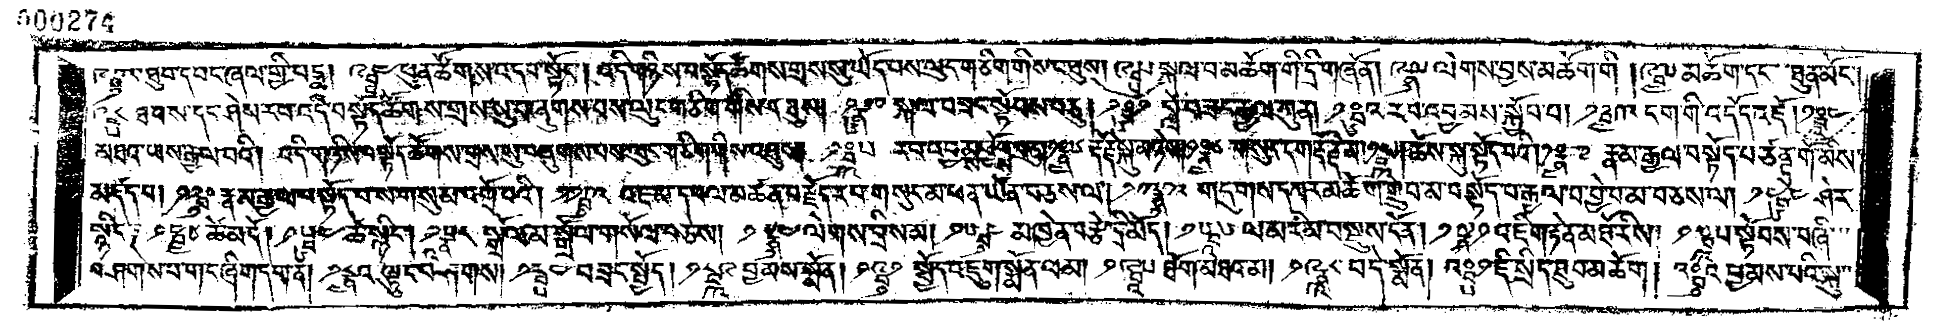༩༣བ༡་ཐུབ་དབང་ཞལ་གྱི་པདམ། ༩༤བ༥་ཕུན་ཚོགས་འདབ་སྟོང་། འདི་གཉིས་བསྟོད་ཚོགས་གྲས་སུ་ཡོད་པས་ལུང་གཅིག་གིས་འཐུས་སྐལ་བ་མཆོག་གི་དྲི་གཞོན།  ༩༥བ༥ ༩༧ན༡་ལེགས་བྱས་མཆོག་གི །༩༧བ༤་མཆོག་དང་ཐུན་མོང་།
༩༨བ༥་ཐབས་དང་ཤེས་རབ་འདི་བསྟོད་ཚོགས་གྲས་སུ་བཞུགས་པས་ལུང་གཅིག་གིས་འཐུས། ༡༠༠ན༦་སྐལ་བཟང་སྟོབས་བཅུ། ༡༠༡བ༦་བློ་བཟང་རྒྱལ་ཀུན། ༡༠༢བ༦་རབ་འབྱམས་སྐྱོབ་པ། ༡༠༣བ༤་དག་གི་འདོད་འཇོ་མཐའ་ཡས་རྒྱལ་བའི།  ༡༠༤བ༢
འདི་གཉིས་བསྟོད་ཚོགས་གྲས་སུ་བཞུགས་པས་ལུང་གཅིག་གིས་འཐུས། ༡༠༥བ༣་རབ་འབྱམས་ཕྱོགས་བཅུ། ༡༠༦ན༤་རྡོ་རྗེ་སྐུ་མཉེས། ༡༠༦ན༤་གསུང་དག་རྡོ་རྗེ་མ། ༡༠༧བ༣། ཆོས་སྐུ་སྟོང་བའི། ༡༠༩ན༤་རྣམ་རྒྱལ་བསྟོད་པ་ཙནྟ་གོ་མིས་
མཛད་པ། ༡༡༠བ༡་རྣམ་རྒྱལ་བསྟོད་པ་ས་གསུམ་འགྲོ་བའི། ༡༡༣བ༡་འཇམ་དཔལ་མཚན་བརྗོད་རབ་གསུང་མ་ཕན་ཡོན་བཅས་ལ། ༡༣༣ན༡་གདུགས་དཀར་མཆོག་གྲུབ་མ་བསྟོད་པ་རྒྱལ་བ་བྱེ་བ་མ་བཅས་ལ། ༡༤༤བ༦་ཤེར་
སྙིང༑ ༡༤༦བ༤་ཚེ་མདོ། ༡༥༤བ༦་ཚེ་སྙིང་། ༡༥༨ན༢་སྒྲོལ་མ་སྒྲོལ་གསོལ་བཅས། ༡༧༤ན༡་ལེགས་བྲིས་མ། ༡༦༤བ༡་མཁྱེན་བརྩེ་དྲི་མེད། ༡༦༦བ༢་ལམ་རིམ་བསྡུས་དོན། ༡༧༡ན༡་འཇིག་རྟེན་མཐོ་རིས། ༡༧༥བ༣་སྟོབས་བཞི་
བཤགས་པ་གང་ཞིག་དག་ན། ༡༨༢ན༤་ལྟུང་བཤགས། ༡༨༤བ༥་བཟང་སྤྱོད། ༡༨༩བ༣་བྱམས་སྨོན། ༡༩༡བ༡་སྤྱོད་འཇུག་སྨོན་ལམ། ༡༩༥བ༢་ཐོག་མཐའ་མ། ༡༩༨ན༣་བདེ་སྨོན། ༢༠༡བ༥་ཇི་སྲིད་ཐུབ་མཆོག། ༢༠༢བ༡་བྱམས་པའི་སྐུ་